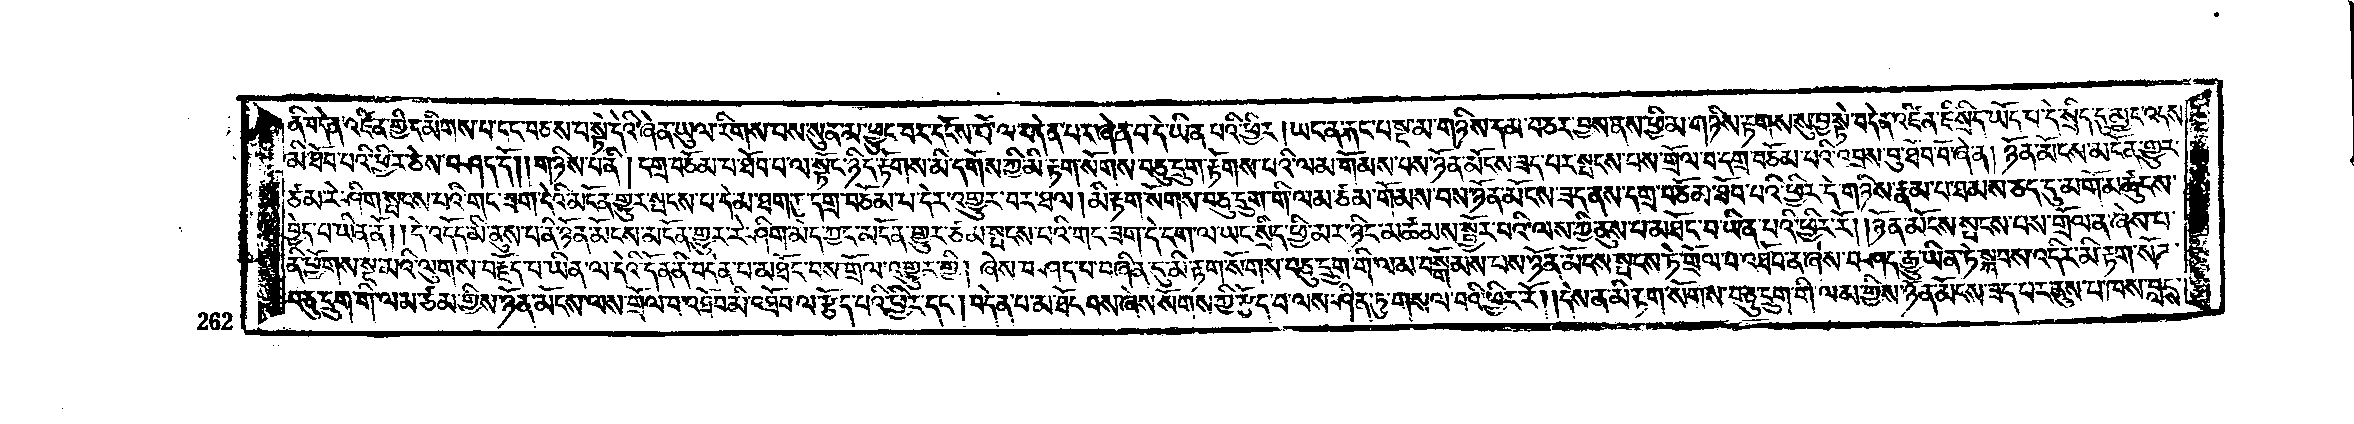ནི་བདེན་འཛིན་གྱི་དམིགས་པ་དང་བཅས་པ་སྟེ་དེའི་ཞེན་ཡུལ་རིགས་པས་སུན་མ་ཕྱུང་བར་དངོས་པོ་ལ་བདེན་པར་ཞེན་པ་དེ་ཡིན་པའི་ཕྱིར། ཡང་ན་རྐང་པ་སྔ་མ་གཉིས་དམ་བཅར་བྱས་ནས་ཕྱི་མ་གཉིས་རྟགས་སུ་བྱ་སྟེ་བདེན་འཛིན་ཇི་སྲིད་ཡོད་པ་དེ་སྲིད་དུ་མྱང་འདས་
མི་ཐོབ་པའི་ཕྱིར་ཅེས་བཤད་དོ། །གཉིས་པ་ནི། དགྲ་བཅོམ་པ་ཐོབ་པ་ལ་སྟོང་ཉིད་རྟོགས་མི་དགོས་ཀྱི་མི་རྟག་སོགས་བཅུ་དྲུག་རྟོགས་པའི་ལམ་གོམས་པས་ཉོན་མོངས་ཟད་པར་སྤངས་པས་གྲོལ་བ་དགྲ་བཅོམ་པའི་འབྲས་བུ་ཐོབ་བོ་ཞེ་ན། ཉོན་མོངས་མངོན་གྱུར་
ཙམ་རེ་ཤིག་སྤངས་པའི་གང་ཟག་དེའི་མངོན་གྱུར་སྤངས་པ་དེ་མ་ཐག་ཏུ་དགྲ་བཅོམ་པ་དེར་འགྱུར་བར་ཐལ། མི་རྟག་སོགས་བཅུ་དྲུག་གི་ལམ་ཙམ་གོམས་པས་ཉོན་མོངས་ཟད་ནས་དགྲ་བཅོམ་ཐོབ་པའི་ཕྱིར་དེ་གཉིས་རྣམ་པ་ཐམས་ཅད་དུ་མགོ་མཚུངས་
བྱེད་པ་ཡིན་ནོ། །དེ་འདོད་མི་ནུས་པ་ནི་ཉོན་མོངས་མངོན་གྱུར་རེ་ཤིག་མེད་ཀྱང་མངོན་གྱུར་ཙམ་སྤངས་པའི་གང་ཟག་དེ་དག་ལ་ཡང་སྲིད་ཕྱི་མར་ཉིད་མཚམས་སྦྱོར་བའི་ལས་ཀྱི་ནུས་པ་མཐོང་བ་ཡིན་པའི་ཕྱིར་རོ། །ཉོན་མོངས་སྤངས་པས་གྲོལ་ན་ཞེས་པ་
ནི་ཕྱོགས་སྔ་མའི་ལུགས་བརྗོད་པ་ཡིན་ལ་དེའི་དོན་ནི་བདེན་པ་མཐོང་བས་གྲོལ་འགྱུར་གྱི་།ཞེས་བཤད་པ་བཞིན་དུ་མི་རྟག་སོགས་བཅུ་དྲུག་གི་ལམ་བསྒོམས་པས་ཉོན་མོངས་སྤངས་ཏེ་གྲོལ་བ་འཐོབ་ན་ཞེས་བཤད་རྒྱུ་ཡིན་ཏེ་སྐབས་འདིར་མི་རྟག་སོགས་
བཅུ་དྲུག་གི་ལམ་ཙམ་གྱིས་ཉོན་མོངས་ལས་གྲོལ་བ་འཐོབ་མི་འཐོབ་ལ་རྩོད་པའི་ཕྱིར་དང་། བདེན་པ་མཐོང་བས་ཞེས་སོགས་ཀྱི་རྩོད་པ་ལས་ཤིན་ཏུ་གསལ་བའི་ཕྱིར་རོ། །དེས་ན་མི་རྟག་སོགས་བཅུ་དྲུག་གི་ལམ་གྱིས་ཉོན་མོངས་ཟད་པར་ནུས་པ་ཁས་བླངས་